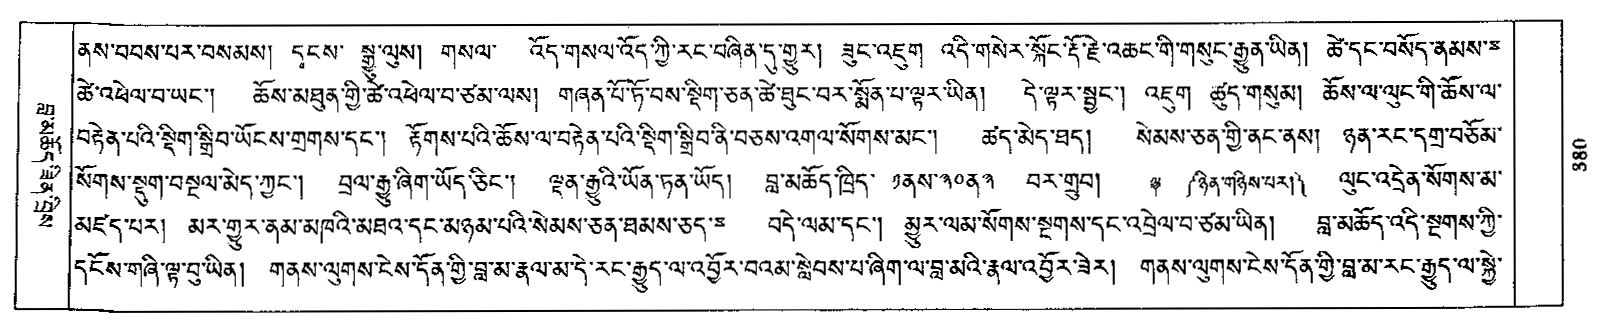ནས་བབས་པར་བསམས། དྭངས་སྒྱུ་ལུས། གསལ་འོད་གསལ་འོད་ཀྱི་རང་བཞིན་དུ་གྱུར། ཟུང་འཇུག་འདི་གསེར་སྐོང་རྡོ་རྗེ་འཆང་གི་གསུང་རྒྱུན་ཡིན། ཚེ་དང་བསོད་ནམས་྾་
ཚེ་འཕེལ་བ་ཡང་། ཆོས་མཐུན་གྱི་ཚེ་འཕེལ་བ་ཙམ་ལས། གཞན་པོ་ཏོ་བས་སྡིག་ཅན་ཚེ་ཐུང་བར་སྨོན་པ་ལྟར་ཡིན། དེ་ལྟར་སྦྱང་། འཇུག་ཚུད་གསུམ། ཆོས་ལ་ལུང་གི་ཆོས་ལ་
བརྟེན་པའི་སྡིག་སྒྲིབ་ཡོངས་གྲགས་དང་། རྟོགས་པའི་ཆོས་ལ་བརྟེན་པའི་སྡིག་སྒྲིབ་ནི་བཅས་འགལ་སོགས་མང་། ཚད་མེད་ཐད། སེམས་ཅན་གྱི་ནང་ནས། ཉན་རང་དགྲ་བཅོམ་
སོགས་སྡུག་བསྔལ་མེད་ཀྱང་། བྲལ་རྒྱུ་ཞིག་ཡོད་ཅིང་། ལྡན་རྒྱུའི་ཡོན་ཏན་ཡོད། བླ་མཆོད་ཁྲིད ༡་ནས ༣༠་ན ༣་བར་གྲུབ། ༈ ?ཉིན་གཉིས་པར། ལུང་འདྲེན་སོགས་མ་
མཛད་པར། མར་གྱུར་ནམ་མཁའི་མཐའ་དང་མཉམ་པའི་སེམས་ཅན་ཐམས་ཅད་྾་བདེ་ལམ་དང་། མྱུར་ལམ་སོགས་སྔགས་དང་འབྲེལ་བ་ཙམ་ཡིན། བླ་མཆོད་འདི་སྔགས་ཀྱི་
དངོས་གཞི་ལྟ་བུ་ཡིན། གནས་ལུགས་ངེས་དོན་གྱི་བླ་མ་རྣལ་མ་དེ་རང་རྒྱུད་ལ་འབྱོར་བའམ་སླེབས་པ་ཞིག་ལ་བླ་མའི་རྣལ་འབྱོར་ཟེར། གནས་ལུགས་ངེས་དོན་གྱི་བླ་མ་རང་རྒྱུད་ལ་སྐྱེ་